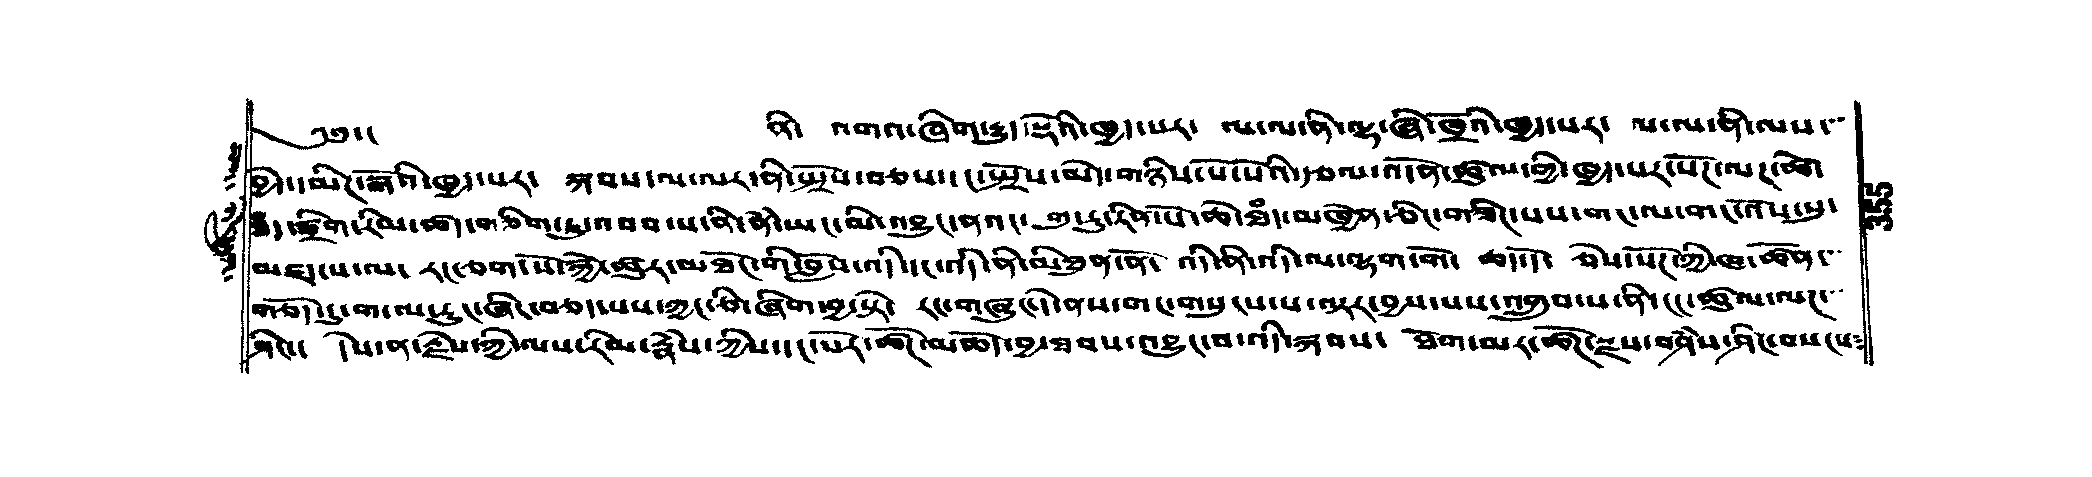ནི། འགའ་ཞིག་རྒྱུད་སྡེའི་ཁྱད་པར། ལ་ལ་ནི་ལྷ་ཞི་ཁྲོའི་ཁྱད་པར། ལ་ལ་ནི་ལས་
བྱེད་དམིགས་སྒོའི་ཁྱད་པར། སྐབས་ལ་ལར་ནི་སྤྲོས་བཅས་དང་སྤྲོས་མེད་གཉིས་སོ་སོའི་རྩལ་འདོན་ཚུལ་གྱི་ཁྱད་པར་སོགས་ལགས་ཚེ། 
ཐམས་ཅད་སྒྲིག་རིམ་ཚད་གཅིག་ཏུ་འབབ་པ་ནི་ནམ་ཡང་མི་འབྱུང་ནའང་། གུ་རུ་རིན་པོ་ཐམས་ཅད་མཁྱེན་ཅིང་གཟིགས་པས་གང་ལ་གང་འོས་སུ་
མཛད་པ་ལ། རང་ཅག་སོ་སྐྱེ་ཚུར་མཐོང་གི་བློས་འདི་དང་འདི་མི་མཐུན་ནོ། འདི་ནི་འདི་ནི་ལྷག་གོ། ཆད་དོ། ཅེས་སོགས་ཀྱི་ཁ་ཚོན་
གཅོད་དུ་ག་ལ་རུང་ཞིང་བཅད་པས་ཀྱང་ཅི་ཞིག་བྱ་སྟེ། རང་གཞུང་དེ་ནས་གང་གསུངས་པ་ལྟར་བྱས་པས་འགྲུབ་པ་ནི་ངང་ཚུལ་ལགས་
ཤིང་། དེས་ན་རྗེས་ཀྱི་ལས་རིམ་རྣམས་ཀྱིས་དང་པོར་ཚོགས་མཆོད་བྱ་ཐབས་འབྱུང་བ་འདི་སྐབས། ཐོག་མར་ཚོགས་རྫས་བཤམས་ཤིང་བསངས་